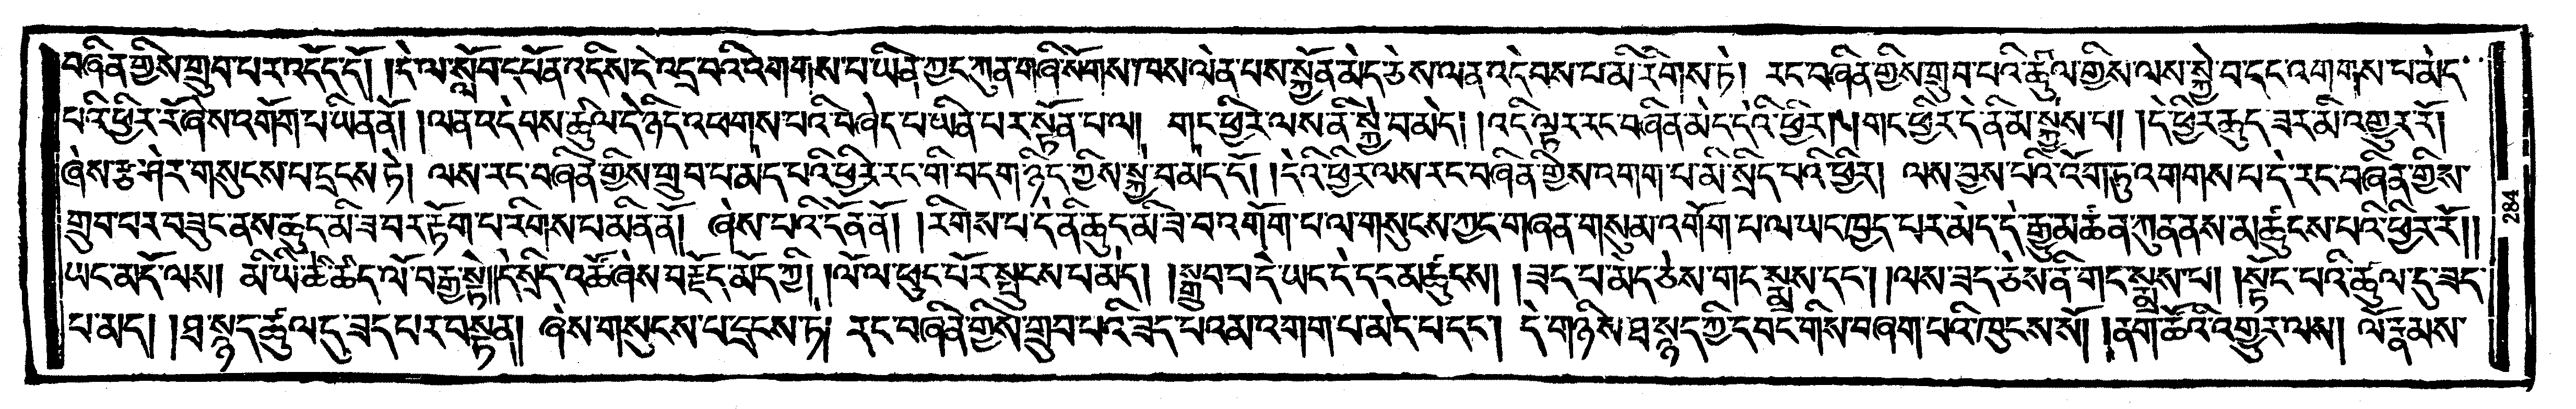བཞིན་གྱིས་གྲུབ་པར་འདོད་དོ། །དེ་ལ་སློབ་དཔོན་འདིས་དེ་འདྲ་བའི་འགགས་པ་ཡིན་ཀྱང་ཀུན་གཞི་སོགས་ཁས་ལེན་པས་སྐྱོན་མེད་ཅེས་ལན་འདེབས་པ་མི་རིགས་ཏེ། རང་བཞིན་གྱིས་གྲུབ་པའི་ཚུལ་གྱིས་ལས་སྐྱེ་བ་དང་འགགས་པ་མེད་
པའི་ཕྱིར་རོ་ཞེས་འགོག་པ་ཡིན་ནོ། །ལན་འདེབས་ཚུལ་དེ་ཉིད་འཕགས་པའི་བཞེད་པ་ཡིན་པར་སྟོན་པ་ལ། གང་ཕྱིར་ལས་ནི་སྐྱེ་བ་མེད། །འདི་ལྟར་རང་བཞིན་མེད་དེའི་ཕྱིར། གང་ཕྱིར་དེ་ནི་མ་སྐྱེས་པ། །དེ་ཕྱིར་ཆུད་ཟར་མི་འགྱུར་རོ།
ཞེས་རྩ་ཤེར་གསུངས་པ་དྲངས་ཏེ། ལས་རང་བཞིན་གྱིས་གྲུབ་པ་མེད་པའི་ཕྱིར་རང་གི་བདག་ཉིད་ཀྱིས་སྐྱེ་བ་མེད་དོ། །དེའི་ཕྱིར་ལས་རང་བཞིན་གྱིས་འགག་པ་མི་སྲིད་པའི་ཕྱིར། ལས་བྱས་པའི་འོག་ཏུ་འགགས་པ་དེ་རང་བཞིན་གྱིས་
གྲུབ་པར་བཟུང་ནས་ཆུད་མི་ཟ་བར་རྟོག་པ་རིགས་པ་མིན་ནོ། ཞེས་པའི་དོན་ནོ། །རིགས་པ་དེ་ནི་ཆུད་མི་ཟ་བ་འགོག་པ་ལ་གསུངས་ཀྱང་གཞན་གསུམ་འགོག་པ་ལ་ཡང་ཁྱད་པར་མེད་དེ་རྒྱུ་མཚན་ཀུན་ནས་མཚུངས་པའི་ཕྱིར་རོ།།
ཡང་མདོ་ལས། མི་ཡི་ཚེ་ཚད་ལོ་བརྒྱ་སྟེ། །དེ་སྲིད་འཚོ་ཞེས་བརྗོད་མོད་ཀྱི། །ལོ་ལ་ཕུང་པོར་སྤུངས་པ་མེད། །སྒྲུབ་པ་དེ་ཡང་དེ་དང་མཚུངས། །ཟད་པ་མེད་ཅེས་གང་སྨྲས་དང་། །ལས་ཟད་ཅེས་ནི་གང་སྨྲས་པ། །སྟོང་པའི་ཚུལ་དུ་ཟད་
པ་མེད། །ཐ་སྙད་ཚུལ་དུ་ཟད་པར་བསྟན། ཞེས་གསུངས་པ་དྲངས་ཏེ། རང་བཞིན་གྱིས་གྲུབ་པའི་ཟད་པའམ་འགག་པ་མེད་པ་དང་། དེ་གཉིས་ཐ་སྙད་ཀྱི་དབང་གིས་བཞག་པའི་ཁུངས་སོ། །ནག་ཚོའི་འགྱུར་ལས། ལོ་རྣམས་